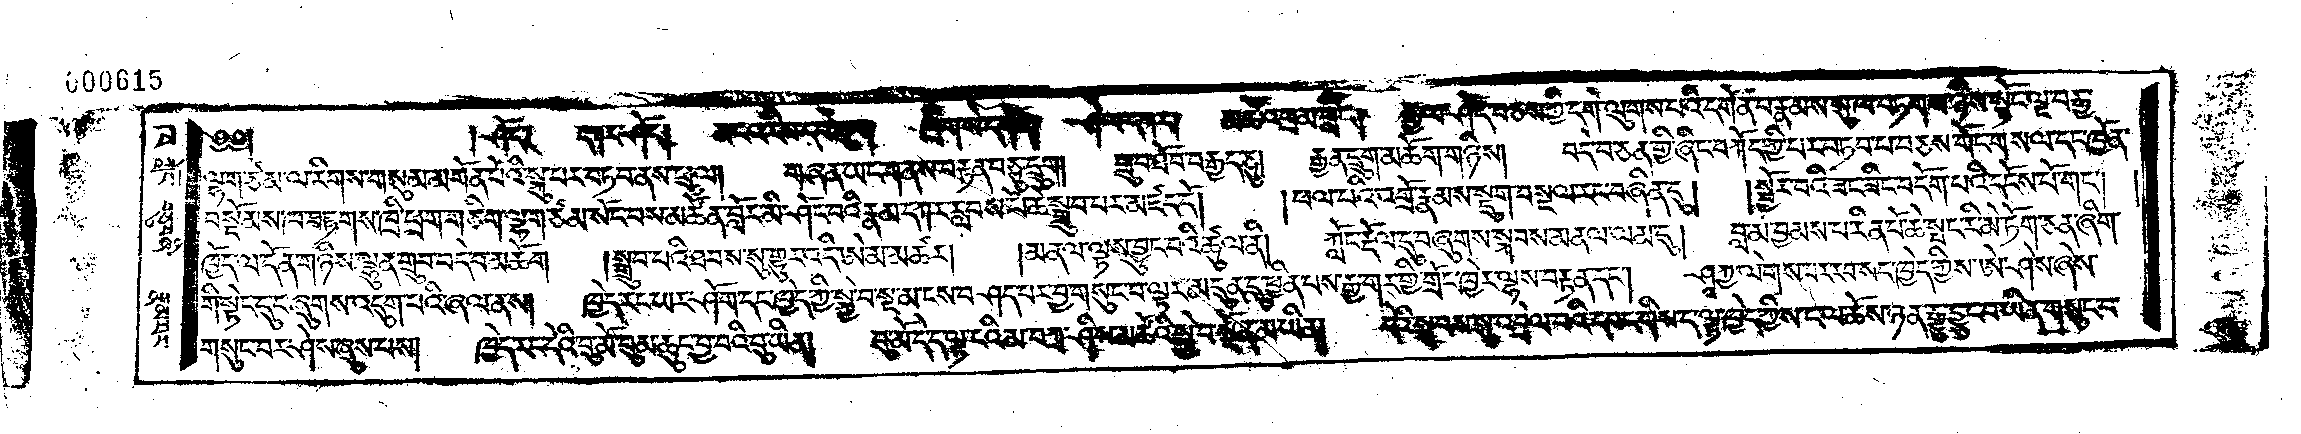༄༅། །ཤོད༑ དཀར་ཤོང་། མངའ་རིས་དཔེ་ཐུབ། ཁྲིག་སེ་དགོན། ཤེལ་དཀར། མཚོ་འགྲམ་གླིང་། རྒྱལ་ཤོད་བཅས་ཀྱི་དགེ་ལུགས་པའི་དགོན་པ་རྣམས་སུ་ཁ་བཏགས་ཉིས་སྟོང་ལྔ་བརྒྱ་
ལྷག་ཙམ་ལ་རིགས་གསུམ་མགོན་པོའི་སྐུ་པར་བཏབ་ནས་ཕུལ། གཞན་ཡང་གནས་བརྟན་བཅུ་དྲུག། གྲུབ་ཐོབ་བརྒྱད་ཅུ། རྒྱན་དྲུག་མཆོག་གཉིས། བདེ་བ་ཅན་གྱི་ཞིང་བཀོད་ཀྱི་པར་བཏབ་པ་བཅས་གོང་གསལ་དང་ཁྱོན་
བསྡོམས་ཁ་བཏགས་ཁྲི་ཕྲག་གཅིག་ལྷག་ཙམ་སོང་བས་མཚོན་བློར་མི་ཤོང་བའི་རྣམ་དཀར་རླབས་པོ་ཆེ་སྒྲུབ་པར་མཛད་དོ། །ཕལ་པའི་འགྲོ་རྣམས་སྡུག་བསྔལ་རང་བཞིན་དུ། །སྦྱོར་བའི་ཟང་ཟིང་བདོག་པའི་དངོས་པོ་གང་། །
ཁྱོད་ལ་དོན་གཉིས་ལྷུན་གྲུབ་བདེ་བ་མཆོག །སྒྲུབ་པའི་ཐབས་སུ་གྱུར་འདི་ཨེམ་མཚར། །མནལ་ལྟས་བྱུང་བའི་ཚུལ་ནི། ཀློང་རྡོལ་དུ་བཞུགས་སྐབས་མནལ་ལམ་དུ། བླ་མ་བྱམས་པ་རིན་པོ་ཆེ་སྤང་རི་མེ་ཏོག་ཅན་ཞིག་
གི་སྟེང་དུ་བཞུགས་འདུག་པའི་ཞལ་ནས། ཁྱེད་རང་ཡར་ཤོག་དང་ཁྱེད་ཀྱི་སྐྱེ་བ་སྔ་མ་ངས་བཤད་པར་བྱ་གསུང་བ་ལྟར་མདུན་དུ་ཕྱིན་པས་རྒྱ་གར་གྱི་གྲོང་ཁྱེར་ལྷས་བརྟན་དང་། ཤཱཀྱ་ལེགས་པར་རབ་སད་ཁྱེད་ཀྱིས་ཨེ་ཤེས་ཞེས་
གསུང་བར་ཤེས་ཞུས་པས། ཁྱེད་རང་དེའི་བུ་མོ་བུམ་ཆུང་བྱ་བའི་བུ་ཡིན། བུ་མོ་དེ་ད་ལྟ་ངའི་མ་བཀྲ་ཤིས་མཚོའི་སྐྱེ་བ་སྔོན་མ་ཡིན། དེའི་སྐབས་སུ་འབྲེལ་བའི་དབང་གིས་ད་ལྟ་ཁྱེད་ཀྱིས་ང་ལ་ཆོས་ཉན་རྒྱུ་བྱུང་བ་ཡིན་གསུང་